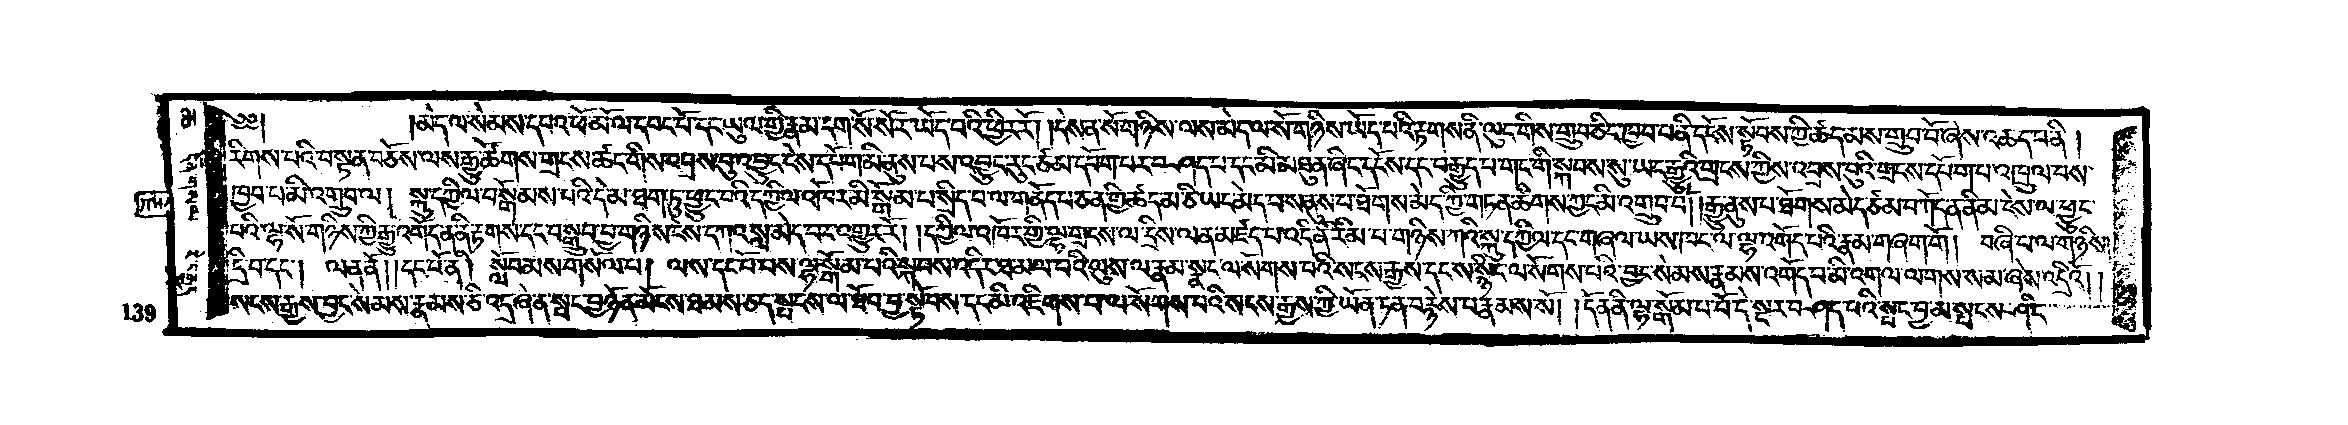༄༅། །མེད་ལ་སེམས་དཔའ་ཕོ་མོ་ལ་དབང་པོ་དང་ཡུལ་གྱི་རྣམ་དག་སོ་སོར་ཡོད་པའི་ཕྱིར་རོ། །དེས་ན་སོ་གཉིས་ལས་མེད་ལ་སོ་གཉིས་ཡོད་པའི་རྟགས་ནི་ལུང་གིས་གྲུབ་ཅིང་ཁྱབ་པ་ནི་དངོས་སྟོབས་ཀྱི་ཚད་མས་གྲུབ་བོ་ཞེས་འཆད་པ་ནི། རིགས་པའི་བསྟན་བཅོས་ལས་རྒྱུ་ཚོགས་གྲངས་ཚང་གིས་འབྲས་བུ་འབྱུང་ངེས་དཔོག་མི་ནུས་པས་འབྱུང་རུང་ཙམ་དཔོག་པར་བཤད་པ་དང་མི་མཐུན་ཞིང་དངོས་དང་བརྒྱུད་པ་གང་གི་སྐབས་སུ་ཡང་རྒྱུའི་གྲངས་ཀྱིས་འབྲས་བུའི་གྲངས་དཔོག་པ་འཁྲུལ་པས་
ཁྱབ་པ་མི་འགྲུབ་ལ། སྐུ་དཀྱིལ་བསྒོམས་པའི་དེ་མ་ཐག་ཏུ་ཕྱུང་བའི་དཀྱིལ་འཁོར་མི་སྒོམ་པ་སྲིད་པ་ལ་གནོད་པ་ཅན་གྱི་ཚད་མ་ཅི་ཡང་མེད་པས་ནུས་པ་ཐོགས་མེད་ཀྱི་གཏན་ཚིགས་ཀྱང་མི་འགྲུབ་བོ། །རྒྱུ་ནུས་པ་ཐོགས་མེད་ཙམ་བཀོད་ན་ནི་མ་ངེས་ལ་ཕྱུང་
པའི་ལྷ་སོ་གཉིས་ཀྱི་རྒྱུ་འགོད་ན་ནི་རྟགས་དང་བསྒྲུབ་བྱ་གཉིས་ངེས་དཀའ་སླ་མེད་པར་འགྱུར་རོ། །དཀྱིལ་འཁོར་གྱི་ལྷ་གངས་ལ་དྲིས་ལན་མཛད་པ་འདི་ནི་རིམ་པ་གཉིས་ཀའི་སྐུ་དཀྱིལ་དང་གཞལ་ཡས་ཁང་ལ་ལྷ་འགོད་པའི་རྣམ་གཞག་གོ །བཞི་པ་ལ་གཉིས་
དྲི་བ་དང་། ལན་ནོ། །དང་པོ་ནི། སློབ་མས་གསོལ་པ། ལས་དང་པོ་པས་ལྷ་སྒོམ་པའི་སྐབས་འདིར་ཐ་མལ་པའི་ལུས་ལ་རྣམ་སྣང་ལ་སོགས་པའི་སངས་རྒྱས་དང་ས་སྙིང་ལ་སོགས་པའི་བྱང་སེམས་རྣམས་འགོད་པ་མི་འགལ་ལགས་སམ་ཞེས་འདྲིའོ། །
སངས་རྒྱས་བྱང་སེམས་རྣམས་ཅི་འདྲ་ཞེ་ན་སྤང་བྱ་ཉོན་མོངས་ཐམས་ཅད་སྤངས་ལ་ཐོབ་བྱ་སྟོབས་དང་མི་འཇིགས་པ་ལ་སོགས་པའི་སངས་རྒྱས་ཀྱི་ཡོན་ཏན་བརྙེས་པ་རྣམས་སོ། །དོན་ནི་ལྷ་སྒོམ་པ་པོ་དེ་སྔར་བཤད་པའི་སྤང་བྱ་མ་སྤངས་ཤིང་